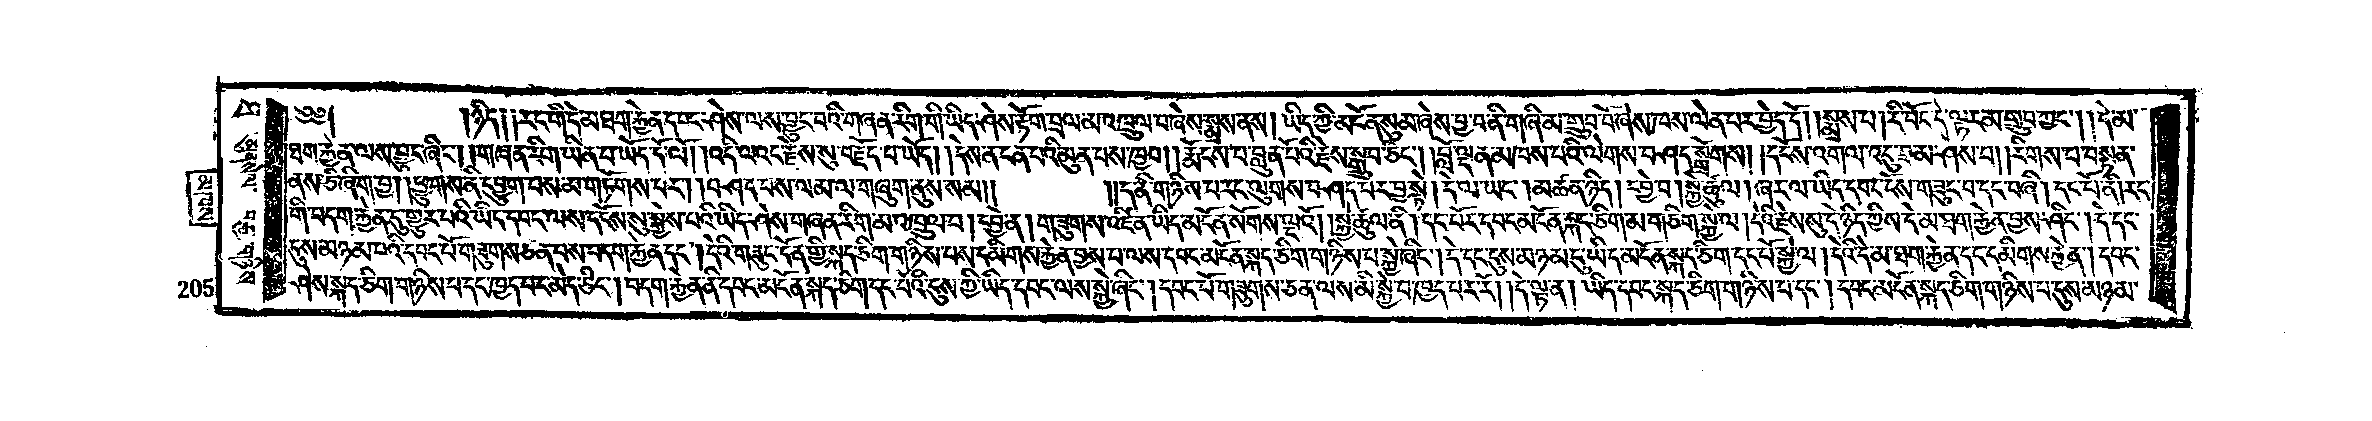༄༅། །ཉིད། །རང་གི་དེ་མ་ཐག་རྐྱེན་དབང་ཤེས་ལས་བྱུང་བའི་གཞན་རིག་གི་ཡིད་ཤེས་རྟོག་བྲལ་མ་འཁྲུལ་བ་ཞེས་སྨྲས་ནས། ཡིད་ཀྱི་མངོན་སུམ་ཞེས་བྱ་བ་ནི་གཞི་མ་གྲུབ་བོ་ཞེས་ཁས་ལེན་པར་བྱེད་དོ། །སྨྲས་པ། རི་བོང་རྭ་ལྟར་མ་གྲུབ་ཀྱང་། །དེ་མ་
ཐག་རྐྱེན་ལས་བྱུང་ཞིང་། །གཞན་རིག་ཡིན་པ་ཡོད་དོ་ལོ། །འདི་ལའང་རྗེས་སུ་བརྗོད་པ་ཡོད། །དེས་ན་ངན་པའི་མུན་པས་ཁྱབ། །རྨོངས་པ་བླུན་པོའི་རྗེས་སྒྲུབ་ཅིང་། །བློ་ལྡན་མཁས་པའི་ལེགས་བཤད་སྒྲོགས། །དངོས་འགལ་འདུ་བ་མ་ཤེས་པ། །རིགས་པ་བསྟན་
ནས་ཅི་ཞིག་བྱ། །ཕྱུགས་ནི་དབྱུག་པས་མ་གཏོགས་པར། །བཤད་པས་ལམ་ལ་གཞུག་ནུས་སམ།། །།ད་ནི་གཉིས་པ་རང་ལུགས་བཤད་པར་བྱ་སྟེ། དེ་ལ་ཡང་། །མཚན་ཉིད། དབྱེ་བ། སྐྱེ་ཚུལ། ཞར་ལ་ཡིད་དབང་ངོས་གཟུང་བ་དང་བཞི། དང་པོ་ནི། རང་
གི་བདག་རྐྱེན་དུ་གྱུར་པའི་ཡིད་དབང་ལས་དངོས་སུ་སྐྱེས་པའི་ཡིད་ཤེས་གཞན་རིག་མ་འཁྲུལ་བ། དབྱེ་ན། གཟུགས་འཛིན་ཡིད་མངོན་སོགས་ལྔའོ། །སྐྱེ་ཚུལ་ནི། དང་པོར་དབང་མངོན་སྐད་ཅིག་མ་གཅིག་སྐྱེ་ལ། དེའི་རྗེས་སུ་དེ་ཉིད་ཀྱིས་དེ་མ་ཐག་རྐྱེན་བྱས་ཤིང་། དེ་དང་
དུས་མཉམ་པའི་དབང་པོ་གཟུགས་ཅན་པས་བདག་རྐྱེན་དང་། དེའི་གཟུང་དོན་གྱི་སྐད་ཅིག་གཉིས་པས་དམིགས་རྐྱེན་བྱས་པ་ལས་དབང་མངོན་སྐད་ཅིག་གཉིས་པ་སྐྱེ་ཞིང་། དེ་དང་དུས་མཉམ་དུ་ཡིད་མངོན་སྐད་ཅིག་དང་པོ་སྐྱེ་ལ། དེའི་དེ་མ་ཐག་རྐྱེན་དང་དམིགས་རྐྱེན། དབང་
ཤེས་སྐད་ཅིག་གཉིས་པ་དང་ཁྱད་པར་མེད་ཅིང་། བདག་རྐྱེན་ནི་དབང་མངོན་སྐད་ཅིག་དང་པོའི་དུས་ཀྱི་ཡིད་དབང་ལས་སྐྱེ་ཞིང་། དབང་པོ་གཟུགས་ཅན་ལས་མི་སྐྱེ་བ་ཁྱད་པར་རོ། །དེ་ལྟ་ན། ཡིད་དབང་སྐད་ཅིག་གཉིས་པ་དང་། དབང་མངོན་སྐད་ཅིག་གཉིས་པ་དུས་མཉམ་